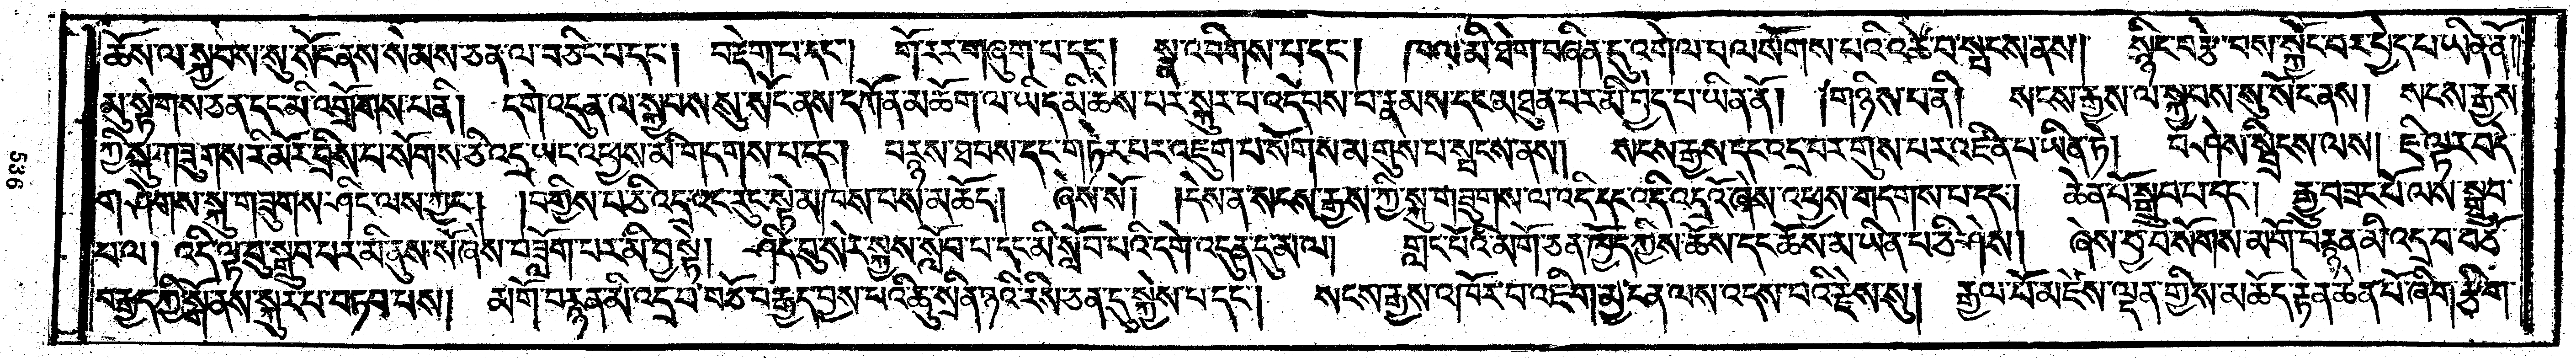ཆོས་ལ་སྐྱབས་སུ་སོང་ནས་སེམས་ཅན་ལ་བཅིང་པ་དང་། བརྡེག་པ་དང་། གོ་རར་གཞུག་པ་དང་། སྣ་འབིགས་པ་དང་། ཁལ་མི་ཐེག་བཞིན་དུ་འགེལ་བ་ལ་སོགས་པའི་འཚེ་བ་སྤངས་ནས། སྙིང་བརྩེ་བས་སྐྱོང་བར་བྱེད་པ་ཡིན་ནོ།།
མུ་སྟེགས་ཅན་དང་མི་འགྲོགས་པ་ནི། དགེ་འདུན་ལ་སྐྱབས་སུ་སོང་ནས་དཀོན་མཆོག་ལ་ཡིད་མི་ཆེས་པར་སྐུར་བ་འདེབས་པ་རྣམས་དང་མཐུན་པར་མི་བྱེད་པ་ཡིན་ནོ། །གཉིས་པ་ནི། སངས་རྒྱས་ལ་སྐྱབས་སུ་སོང་ནས། སངས་རྒྱས་
ཀྱི་སྐུ་གཟུགས་རི་མོར་བྲིས་པ་སོགས་ཅི་འདྲ་ཡང་འཕྱས་མི་གདགས་པ་དང་། བརྙས་ཐབས་དང་གཏེར་པར་འཇུག་པ་སོགས་མགུས་པ་སྤངས་ནས། སངས་རྒྱས་དང་འདྲ་བར་གུས་པར་འཛིན་པ་ཡིན་ཏེ། བཤེས་སྦྲིངས་ལས། ཇི་ལྟར་བདེ་
གཤེགས་སྐུ་གཟུགས་ཤིང་ལས་ཀྱང་། །བགྱིས་པ་ཅི་འདྲ་འང་རུང་སྟེ་མཁས་པས་མཆོད། ཞེས་སོ། །དེས་ན་སངས་རྒྱས་ཀྱི་སྐུ་གཟུགས་ལ་འདི་དང་འདི་འདྲའོ་ཞེས་འཕྱས་གདགས་པ་དང་། ཆེན་པོ་སྒྲུབ་པ་དང་། རྒྱུ་བཟང་པོ་ལས་སྒྲུབ་
པ་ལ། འདི་ལྟ་བུ་སྒྲུབ་པར་མི་ནུས་སོ་ཞེས་བཟློག་པར་མི་བྱ་སྟེ། ཤིང་བུ་སེར་སྐྱས་སློབ་པ་དང་མི་སློབ་པའི་དགེ་འདུན་དུ་མ་ལ། གླང་པོའི་མགོ་ཅན་ཁྱོད་ཀྱིས་ཆོས་དང་ཆོས་མ་ཡིན་པ་ཅི་ཤེས། ཞེས་བྱ་བ་སོགས་མགོ་བརྙན་མི་འདྲ་བ་བཅོ་
བརྒྱད་ཀྱི་སྒོ་ནས་སྐུར་པ་བཏབ་པས། མགོ་བརྙན་མི་འདྲ་བ་བཅོ་བརྒྱད་བྱས་པའི་ཆུ་སྲིན་ཉའི་རིས་ཅན་དུ་སྐྱེས་པ་དང་། སངས་རྒྱས་འཁོར་བ་འཇིག་མྱ་ངན་ལས་འདས་པའི་རྗེས་སུ། རྒྱལ་པོ་མཛེས་ལྡན་གྱིས་མཆོད་རྟེན་ཆེན་པོ་ཞིག་རྩིག་